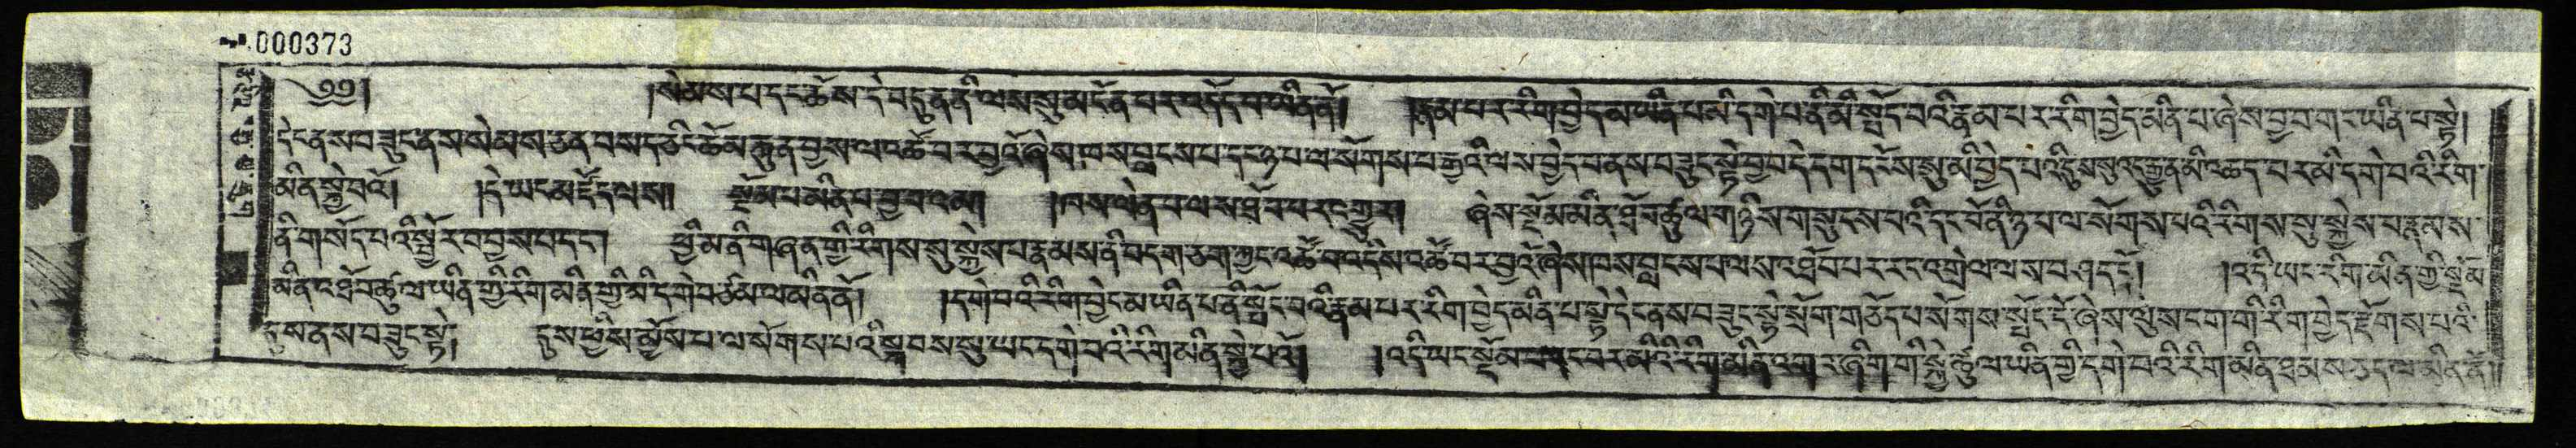༄༅། །སེམས་པ་དང་ཆོས་དེ་བདུན་ནི་ལས་སུ་མངོན་པར་འདོད་པ་ཡིན་ནོ། །རྣམ་པར་རིག་བྱེད་མ་ཡིན་པ་མི་དགེ་བ་ནི་མི་སྤོང་བའི་རྣམ་པར་རིག་བྱེད་མིན་པ་ཞེས་བྱ་བ་གང་ཡིན་པ་སྟེ།
དེང་ནས་བཟུང་ནས་སེམས་ཅན་བསད་ཅིང་ཆོམ་རྐུན་བྱས་ལ་འཚོ་བར་བྱའོ་ཞེས་ཁས་བླངས་པ་དང་ཉ་བ་ལ་སོགས་པ་རྒྱའི་ལས་བྱེད་པ་ནས་བཟུང་སྟེ་བྱ་བ་དེ་དག་དངོས་སུ་མི་བྱེད་པའི་དུས་སུའང་རྒྱུན་མི་འཆད་པར་མི་དགེ་བའི་རིག་
མིན་སྐྱེ་བའོ། །དེ་ཡང་མཛོད་ལས། སྡོམ་པ་མིན་པ་བྱ་བ་འམ། །ཁས་ལེན་པ་ལས་ཐོབ་པར་འགྱུར། ཞེས་སྡོམ་མིན་ཐོབ་ཚུལ་གཉིས་གསུངས་པའི་དང་པོ་ནི་ཉ་བ་ལ་སོགས་པའི་རིགས་སུ་སྐྱེས་པ་རྣམས་
ནི་གསོད་བའི་སྦྱོར་བ་བྱས་པ་དང་། ཕྱི་མ་ནི་གཞན་གྱི་རིགས་སུ་སྐྱེས་པ་རྣམས་ནི་བདག་ཅག་ཀྱང་འཚོ་བ་འདིས་འཚོ་བར་བྱའོ་ཞེས་ཁས་བླངས་པ་ལས་འཐོབ་པར་རང་འགྲེལ་ལས་བཤད་དོ། །འདི་ཡང་རིག་མིན་གྱི་སྡོམ་
མིན་འཐོབ་ཚུལ་ཡིན་གྱི་རིག་མིན་གྱི་མི་དགེ་བ་ཙམ་ལ་མིན་ནོ། །དགེ་བའི་རིག་བྱེད་མ་ཡིན་པ་ནི་སྤོང་བའི་རྣམ་པར་རིག་བྱེད་མིན་པ་སྟེ་དེང་ནས་བཟུང་སྟེ་སྲོག་གཅོད་པ་སོགས་སྤོང་ངོ་ཞེས་ལུས་ངག་གི་རིག་བྱེད་རྫོགས་པའི་
དུས་ནས་བཟུང་སྟེ། དུས་ཕྱིས་མྱོས་པ་ལ་སོགས་པའི་སྐབས་སུ་ཡང་དགེ་བའི་རིག་མིན་སྐྱེ་པའོ། །འདི་ཡང་སྡོམ་པ་དང་བར་མིའི་རིག་མིན་འགའ་ཞིག་གི་སྐྱེ་ཚུལ་ཡིན་གྱི་དགེ་བའི་རིག་མིན་ཐམས་ཅད་ལ་མིན་ནོ།